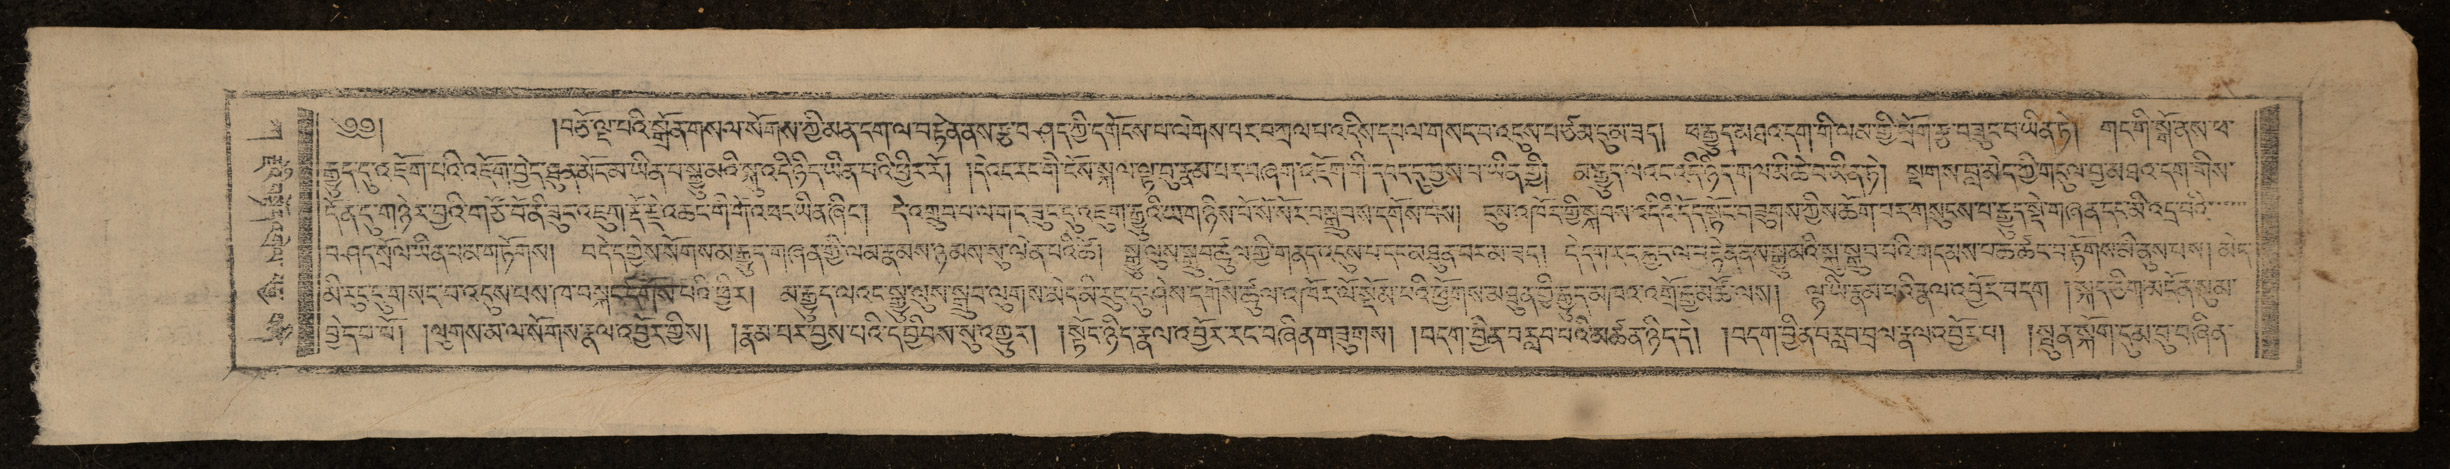༄༅། །བཅོ་ལྔ་བའི་སྒྲོན་གསལ་སོགས་ཀྱི་མན་ངག་ལ་བརྟེན་ནས་རྩ་བཤད་ཀྱི་དགོངས་པ་ལེགས་པར་བཀྲལ་བ་འདིས་དཔལ་གསང་བ་འདུས་པ་ཙམ་དུ་མ་ཟད། ཕ་རྒྱུད་མཐའ་དག་གི་ལམ་གྱི་སྲོག་རྩ་བཟུང་བ་ཡིན་ཏེ། གང་གི་སྒོ་ནས་ཕོ་
རྒྱུད་དུ་འཇོག་པའི་འཇོག་བྱེད་ཐུན་མོང་མ་ཡིན་པ་སྒྱུ་མའི་སྐུ་འདི་ཉིད་ཡིན་པའི་ཕྱིར་རོ། །དེའང་རང་གི་ངོས་སྐལ་ལྟ་བུ་རྣམ་པར་བཞག་འཇོག་གི་དབང་དུ་བྱས་པ་ཡིན་གྱི། མ་རྒྱུད་ལའང་འདི་ཉིད་གལ་མི་ཆེ་བ་མིན་ཏེ། སྔགས་བླ་མེད་ཀྱི་གདུལ་བྱ་མཐའ་དག་གིས་
དོན་དུ་གཉེར་བྱའི་གཙོ་བོ་ནི་ཟུང་འཇུག་རྡོ་རྗེ་འཆང་གི་གོ་འཕང་ཡིན་ཞིང་། དེ་འགྲུབ་བ་ལ་གང་ཟུང་དུ་འཇུག་རྒྱུའི་ཡ་གཉིས་པོ་སོ་སོར་བསྒྲུབས་དགོས་པས། དུས་འཁོར་གྱི་སྐབས་འདིའི་དོད་སྟོང་གཟུགས་ཀྱིས་ཆོག་པར་གསུངས་པ་རྒྱུད་སྡེ་གཞན་དང་མི་འདྲ་བའི་
བཤད་སྲོལ་ཡིན་པ་མ་གཏོགས། བདེ་དགྱེས་སོགས་མ་རྒྱུད་གཞན་གྱི་ལམ་རྣམས་ཉམས་སུ་ལེན་པའི་ཚེ། སྒྱུ་ལུས་སྒྲུབ་ཚུལ་གྱི་གནད་འདུས་པ་དང་མཐུན་པར་མ་ཟད། དེ་དག་རང་རྐྱང་ལ་བརྟན་ནས་སྒྱུ་མའི་སྐུ་སྒྲུབ་པའི་གདམས་པ་ཆ་ཚང་བ་རྟོགས་མི་ནུས་པས། མེད་
མི་རུང་དུ་གསང་བ་འདུས་བས་ཁ་བསྐང་དགོས་པའི་ཕྱིར། མ་རྒྱུད་ལའང་སྒྱུ་ལུས་སྒྲུབ་ལུགས་མེད་མི་རུང་དུ་ཤེས་དགོས་ཚུལ་འཁོར་ལོ་སྡོམ་པའི་ཕྱོགས་མཐུན་གྱི་རྒྱུད་མཁའ་འགྲོ་རྒྱ་མཚོ་ལས། ལྷ་ཡི་རྣམ་པའི་རྣལ་འབྱོར་བདག །སྐད་ཅིག་མངོན་སུམ་
བྱེད་པ་པོ། །ལུགས་མ་ལ་སོགས་རྣལ་འབྱོར་གྱིས། །རྣམ་པར་བྱས་པའི་དབྱིབས་སུ་འགྱུར། །སྟོང་ཉིད་རྣལ་འབྱོར་རང་བཞིན་གཟུགས། །བདག་བྱིན་བརླབ་པའི་མཚན་ཉིད་དེ། །བདག་བྱིན་བརླབ་གྲལ་རྣལ་འབྱོར་པ། །སྦུན་སྐོག་དུམ་བུ་བཞིན་